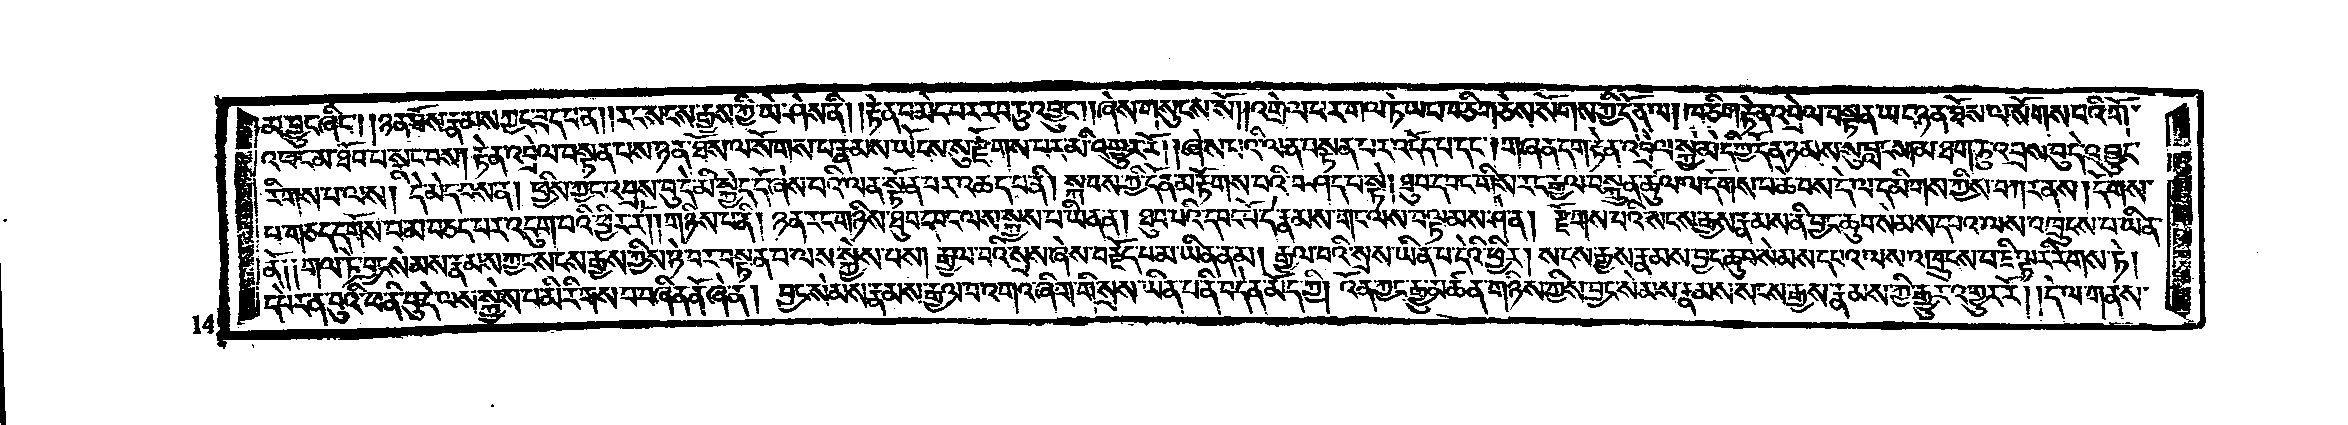མ་བྱུང་ཞིང་། །ཉན་ཐོས་རྣམས་ཀྱང་ཟད་པ་ན། །རང་སངས་རྒྱས་ཀྱི་ཡེ་ཤེས་ནི། །རྟེན་པ་མེད་པར་རབ་ཏུ་འབྱུང་། །ཞེས་གསུངས་སོ། །འགྲེལ་པར་གལ་ཏེ་ཡང་ཁ་ཅིག་ཅེས་སོགས་ཀྱི་དོན་ལ། ཁ་ཅིག་རྟེན་འབྲེལ་བསྟན་ཡང་ཉན་ཐོས་ལ་སོགས་པའི་གོ་
འཕང་མ་ཐོབ་པ་སྣང་བས། རྟེན་འབྲེལ་བསྟན་པས་ཉན་ཐོས་ལ་སོགས་པ་རྣམས་ཡོངས་སུ་རྫོགས་པར་མི་འགྱུར་རོ། །ཞེས་པའི་ལན་བསྟན་པར་འདོད་པ་དང་། གཞན་དག་རྟེན་འབྲེལ་སྐྱེ་མེད་ཀྱི་དོན་ཉམས་སུ་བླངས་མ་ཐག་ཏུ་འབྲས་བུ་དེ་འབྱུང་
རིགས་པ་ལས། དེ་མེད་པས་ན། ཕྱིས་ཀྱང་འབྲས་བུ་དེ་མི་སྐྱེད་དོ་ཞེས་པའི་ལན་སྟོན་པར་འཆད་པ་ནི། སྐབས་ཀྱི་དོན་མ་རྟོགས་པའི་བཤད་པ་སྟེ། ཐུབ་དབང་གིས་རང་རྒྱལ་བསྐྲུན་ཚུལ་ལ་དོགས་པ་ཆེ་བས་དེ་ལ་དམིགས་ཀྱིས་བཀར་ནས། དོགས་
པ་གཅད་དགོས་པ་མ་བཅད་པར་འདུག་པའི་ཕྱིར་རོ། །གཉིས་པ་ནི། ཉན་རང་གཉིས་ཐུབ་དབང་ལས་སྐྱེས་པ་ཡིན་ན། ཐུབ་པའི་དབང་པོ་དེ་རྣམས་གང་ལས་བལྟམས་ཤེ་ན། རྫོགས་པའི་སངས་རྒྱས་རྣམས་ནི་བྱང་ཆུབ་སེམས་དཔའ་ལས་འཁྲུངས་པ་ཡིན་
ནོ། །གལ་ཏེ་བྱང་སེམས་རྣམས་ཀྱང་སངས་རྒྱས་ཀྱིས་ཉེ་བར་བསྟན་པ་ལས་སྐྱེས་པས། རྒྱལ་བའི་སྲས་ཞེས་བརྗོད་པ་མ་ཡིན་ནམ། རྒྱལ་བའི་སྲས་ཡིན་པ་དེའི་ཕྱིར། སངས་རྒྱས་རྣམས་བྱང་ཆུབ་སེམས་དཔའ་ལས་འཁྲུངས་པ་ཇི་ལྟར་རིགས་ཏེ།
དཔེར་ན་བུའི་ཕ་ནི་བུ་དེ་ལས་སྐྱེས་པ་མི་རིགས་པ་བཞིན་ནོ་ཞེ་ན། བྱང་སེམས་རྣམས་རྒྱལ་བ་འགའ་ཞིག་གི་སྲས་ཡིན་པ་ནི་བདེན་མོད་ཀྱི། འོན་ཀྱང་རྒྱུ་མཚན་གཉིས་ཀྱིས་བྱང་སེམས་རྣམས་སངས་རྒྱས་རྣམས་ཀྱི་རྒྱུར་འགྱུར་རོ། །དེ་ལ་གནས་